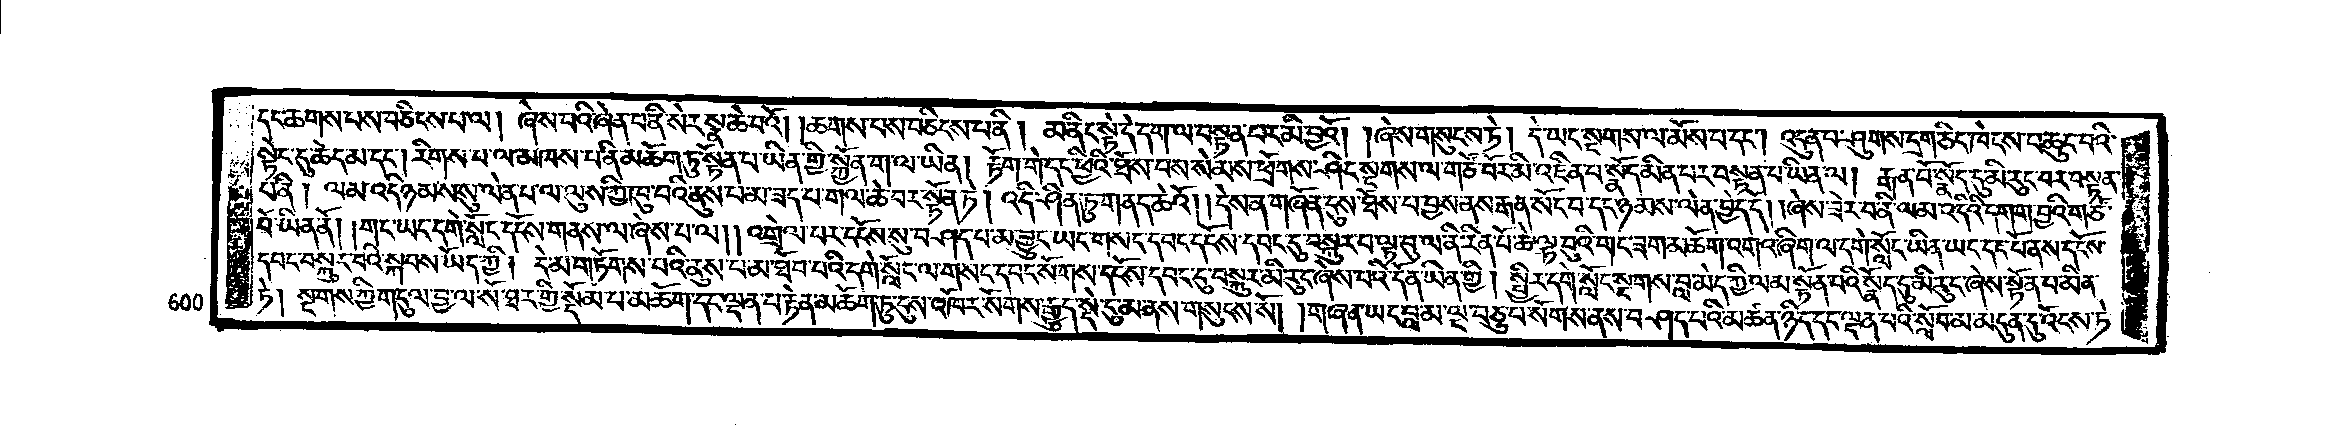དང་ཆགས་པས་བཅིངས་པ་ལ། ཞེས་པའི་ཞེན་པ་ནི་སེར་སྣ་ཆེ་བའོ། །ཆགས་པས་བཅིངས་པ་ནི། མ་ནིང་སྟེ་དེ་དག་ལ་བསྟན་པར་མི་བྱའོ། །ཞེས་གསུངས་ཏེ། དེ་ཡང་སྔགས་ལ་མོས་པ་དང་། འདུན་པ་ཤུགས་དྲག་ཅིང་ཁེངས་པ་ཆུང་བའི་
སྟེང་དུ་ཚད་མ་དང་། རིགས་པ་ལ་མཁས་པ་ནི་མཆོག་ཏུ་སྟོན་པ་ཡིན་གྱི་སྐྱོན་ག་ལ་ཡིན། རྟོག་གེ་དང་ཕྱིའི་ཐོས་པས་སེམས་ཕྲོགས་ཤིང་སྔགས་ལ་གཙོ་བོར་མི་འཛིན་པ་སྣོད་མིན་པར་བསྟན་པ་ཡིན་ལ། རྒན་པོ་སྣོད་དུ་མི་རུང་བར་བསྟན་
པ་ནི། ལམ་འདི་ཉམས་སུ་ལེན་པ་ལ་ལུས་ཀྱི་ཁུ་བའི་ནུས་པ་མ་ཟད་པ་གལ་ཆེ་བར་སྟོན་ཏེ། འདི་ཤིན་ཏུ་གནད་ཆེའོ། །དེས་ན་གཞོན་དུས་ཐོས་པ་བྱས་ནས་རྒན་སོང་བ་དང་ཉམས་ལེན་བྱེད་དོ། །ཞེས་ཟེར་བ་ནི་ལམ་འདིའི་དགག་བྱའི་གཙོ་
བོ་ཡིན་ནོ། །གང་ཡང་དགེ་སློང་དངོས་གནས་ལ་ཞེས་པ་ལ། །འགྲེལ་པར་དངོས་སུ་བཤད་པ་མ་བྱུང་ཡང་གསང་དབང་དངོས་དབང་དུ་བསྐུར་བ་ལྟ་བུ་ལ་ནི་རིན་པོ་ཆེ་ལྟ་བུའི་གང་ཟག་མཆོག་འགའ་ཞིག་ལ་དགེ་སློང་ཡིན་ཡང་དང་པོ་ནས་དངོས་
དབང་བསྐུར་བའི་སྐབས་ཡོད་ཀྱི། དེ་མ་གཏོགས་པའི་ནུས་པ་མ་ཐོབ་པའི་དགེ་སློང་ལ་གསང་དབང་སོགས་དངོས་དབང་དུ་བསྐུར་མི་རུང་ཞེས་པའི་དོན་ཡིན་གྱི། སྤྱིར་དགེ་སློང་སྔགས་བླ་མེད་ཀྱི་ལམ་སྟོན་པའི་སྣོད་དུ་མི་རུང་ཞེས་སྟོན་པ་མིན་
ཏེ། སྔགས་ཀྱི་གདུལ་བྱ་ལ་སོ་ཐར་གྱི་སྡོམ་པ་མཆོག་དང་ལྡན་པ་རྟེན་མཆོག་ཏུ་དུས་འཁོར་སོགས་རྒྱུད་སྡེ་དུ་མ་ནས་གསུངས་སོ། །གཞན་ཡང་བླ་མ་ལྔ་བཅུ་པ་སོགས་ནས་བཤད་པའི་མཚན་ཉིད་དང་ལྡན་པའི་སློབ་མ་མདུན་དུ་འོངས་ཏེ་